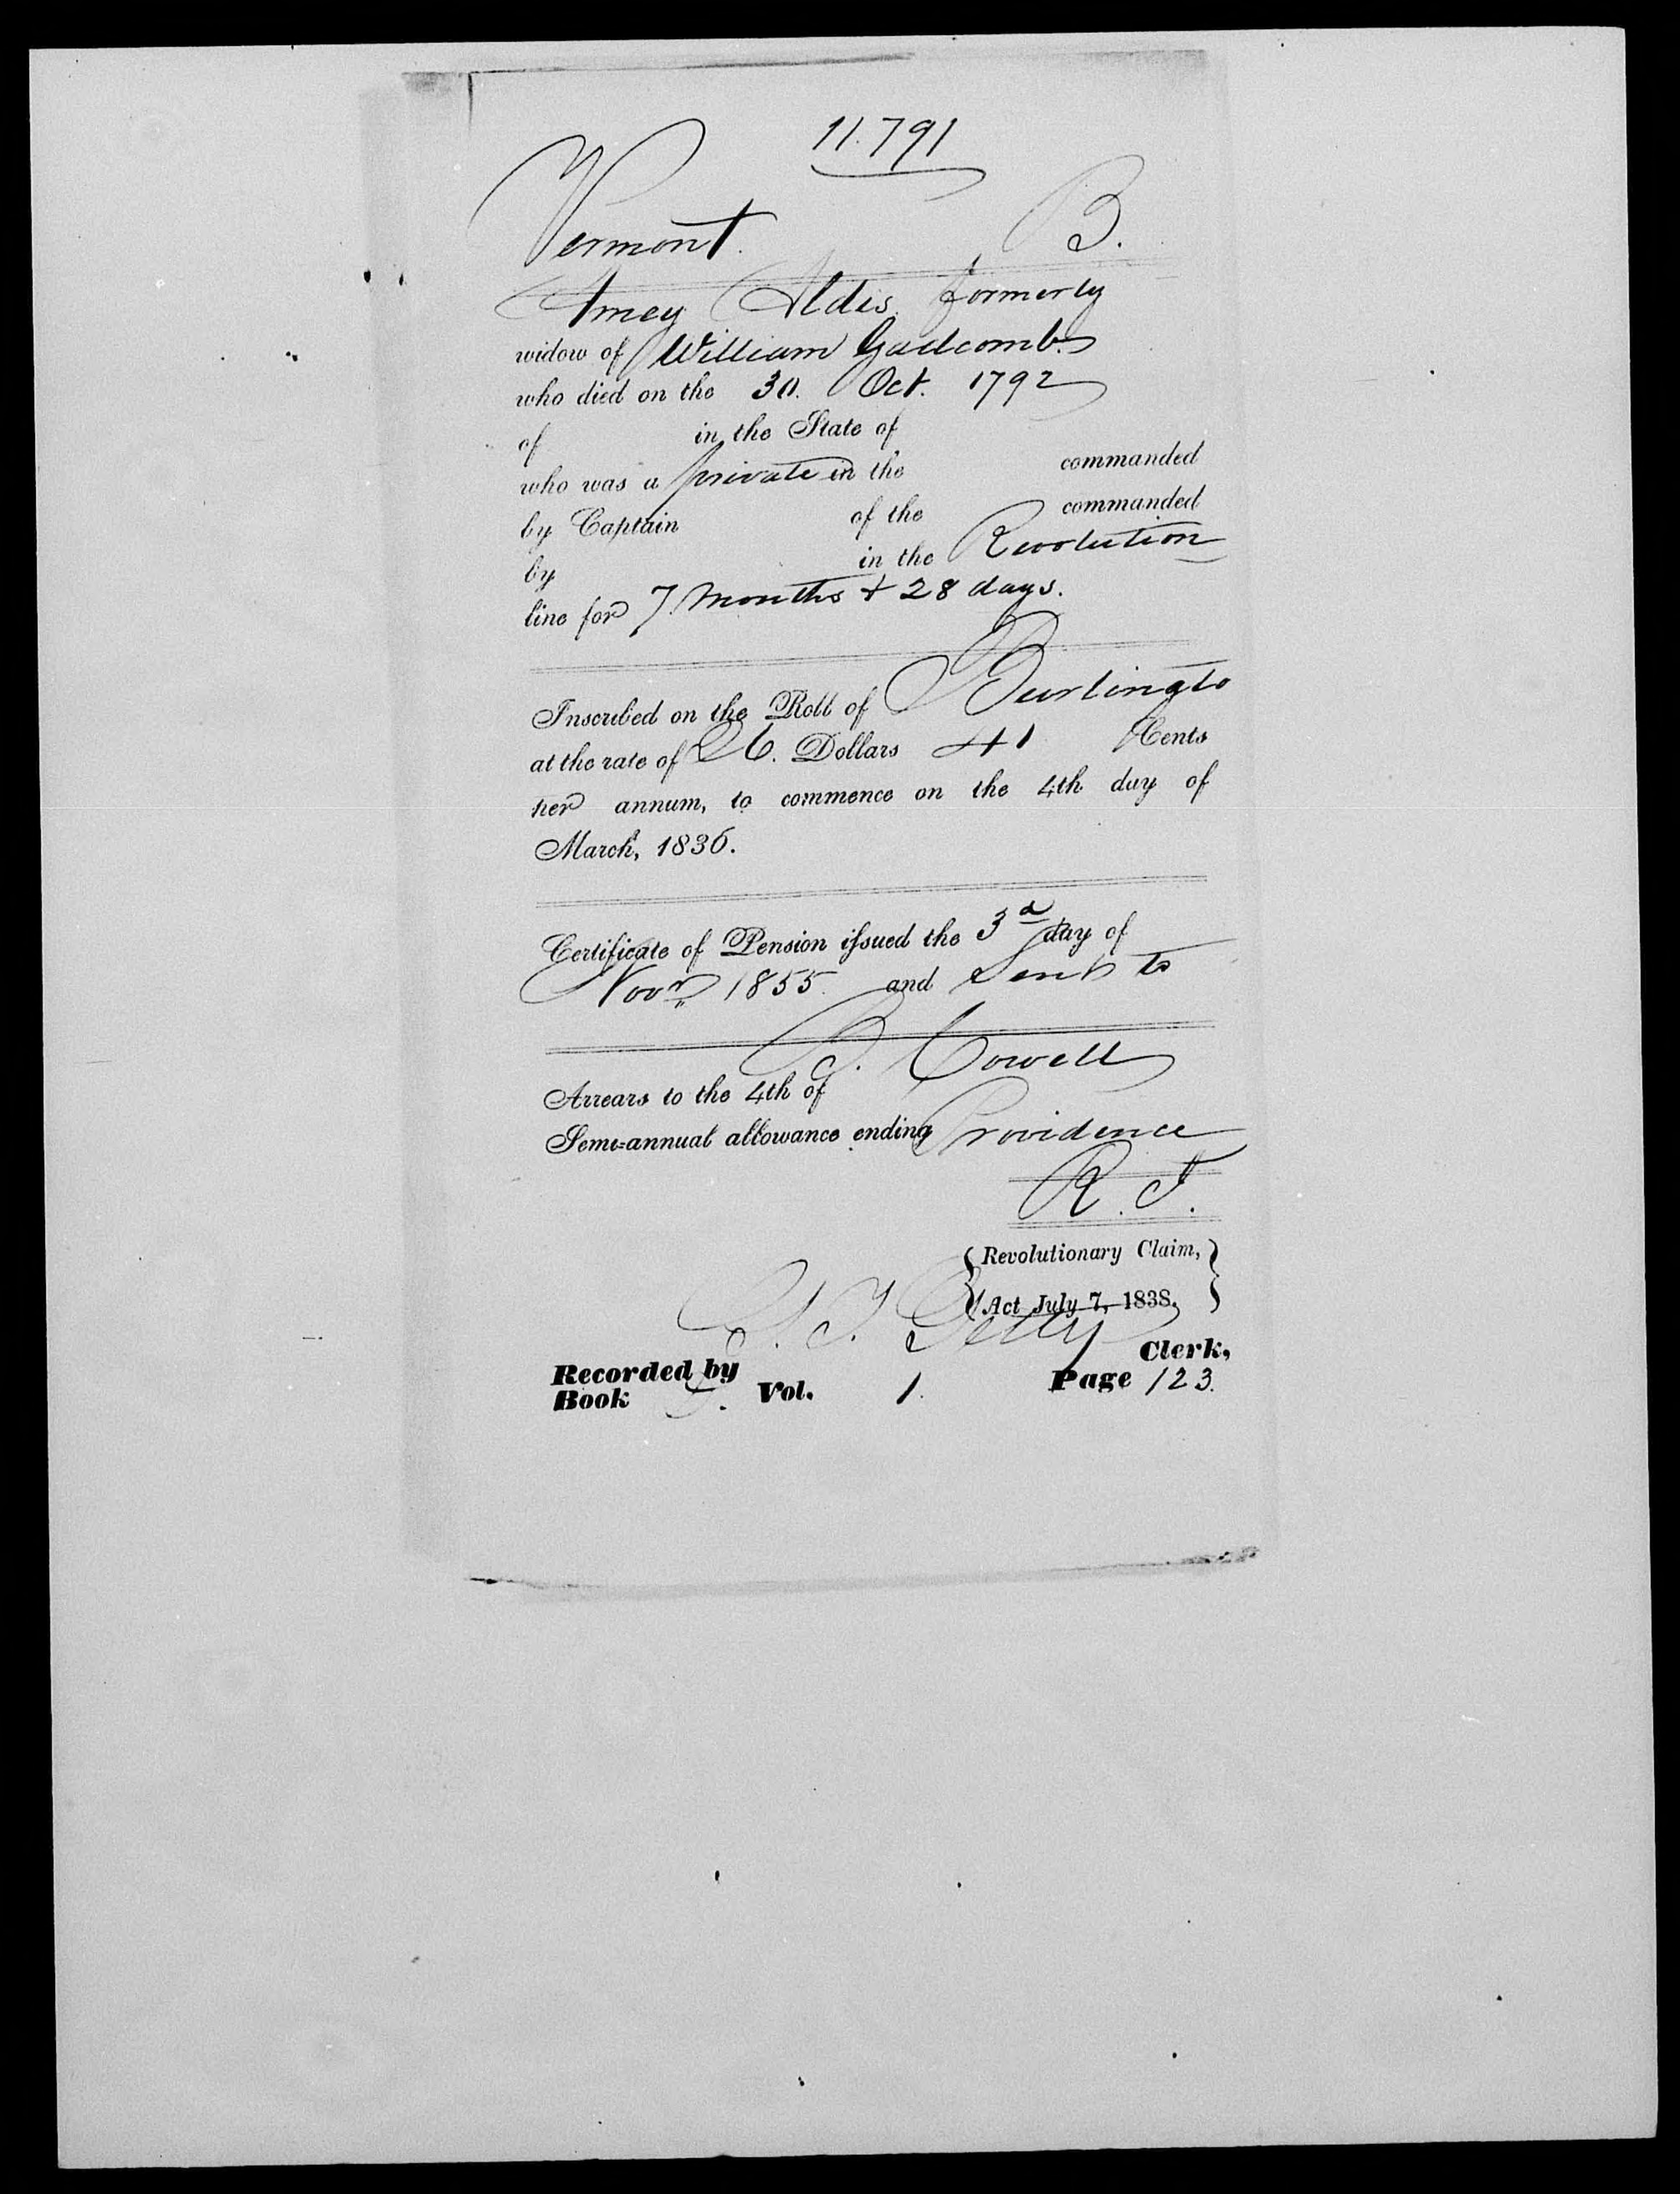11.791
Vermont. B.
Amey Aldis formerly widow of William Gadcomb who died on the 30 Oct. 1792 of [blank] in the State of [blank] who was a private in the [blank] commanded by Captain [blank] of the [blank] commanded by [blank] in the Revolution line for 7 months and 28 days.

Inscribed on the Roll of Burlington at the rate of 26 Dollars 41 Cents per annum, to commence on the 4th day of March, 1836.

Certificate of Pension issued the 3rd day of Nov. 1855 and sent to B. Cowell, Providence, R.I.

Arrears to the 4th of [blank]
Semi-annual allowance ending [blank]

Revolutionary Claim,
Act July7, 1838.

 Recorded by G.T. Getty Clerk,
Book D. Vol. 1 Page 123.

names: G T Getty, Amey Aldis, William Gadcomb, B Cowell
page: 75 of 76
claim: widow's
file: W. 15,517, William Gadcomb, R.I.